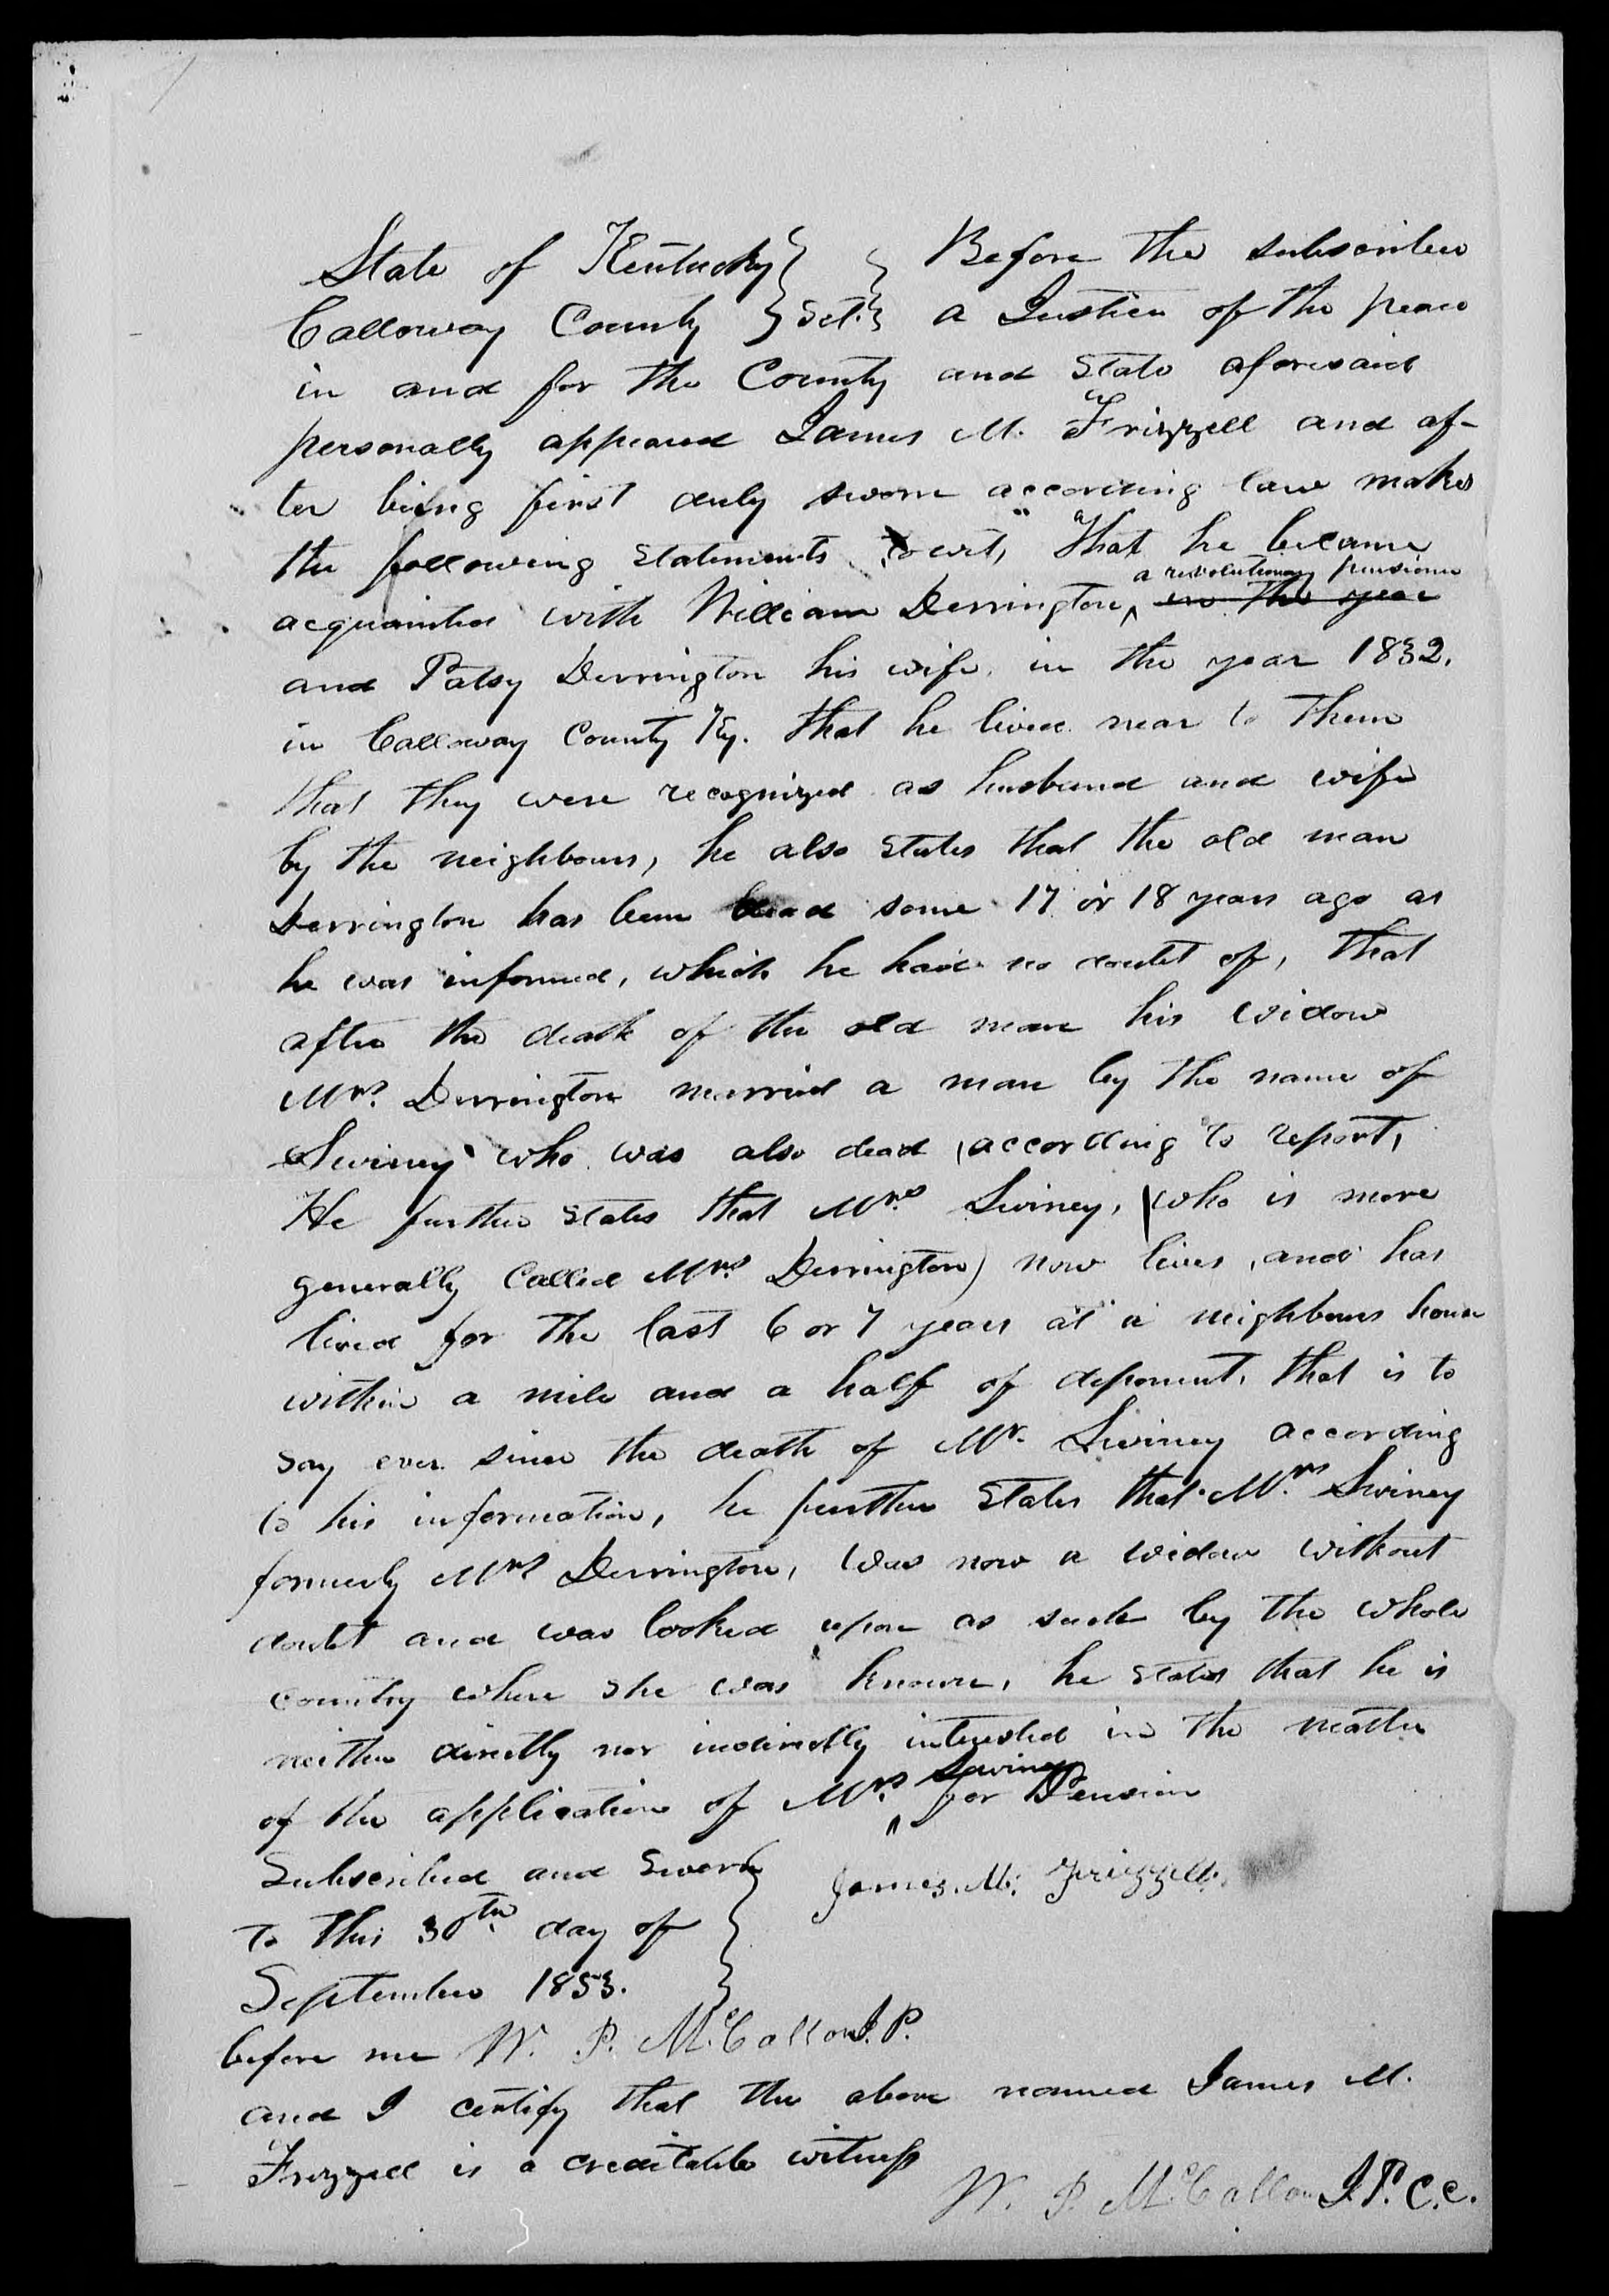State of Kentucky
Calloway County

Before the subscriber a Justice of the Peace in and for the county and state aforesaid personally appeared James M Frizzell and after being first duly sworn according law make the following statements to wit; That he became acquainted with William Derrington a revolutionary pensioner and Patsy Derrington his wife in the year 1832 in Calloway County Ky. That he lived near to them that they were recognized as husband and wife by the neighbours (neighbors), he also states that the old man Derrington has been dead since 17 or 18 years ago as he was informed which he had no doubt of - that after the death of the old man his widow Mrs. Derrington married a man by the name of Swiney who was also dead according to report, he further states that Mrs. Swiney who is more generally called Mrs. Derrington now lives and has lived for the last 6 or 7 years at a neighbor's house within a mile and a half of deponent, that is to say ever since the death of Mr. Swiney according to his information, he further states that Mrs. Swiney formerly Mrs. Derrington, was now a widow without doubt and was looked upon as such by the whole county where she was known he states that he is neither directly nor instantly interested in the matter of the application of Mrs. Swiney for pension. James M Frizzell

Subscribed and sworn to this 30th day of September 1853 before me W.P. McCallon JP
and I certify that the above named James M Frizzell is a creditable witness.

W P McCallon JPCC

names: Swiney, James M Frizzell, W P Mc Callon, Swiney, Patsy Derrington, William Derrington, James M Frizzell, Derrington, Swiney, Derrington, James M Frizzell, Swiney, Derrington, Swiney, W P Mc Callon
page: 35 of 51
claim: widow's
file: W. 27,409, William Dunnington, Md.